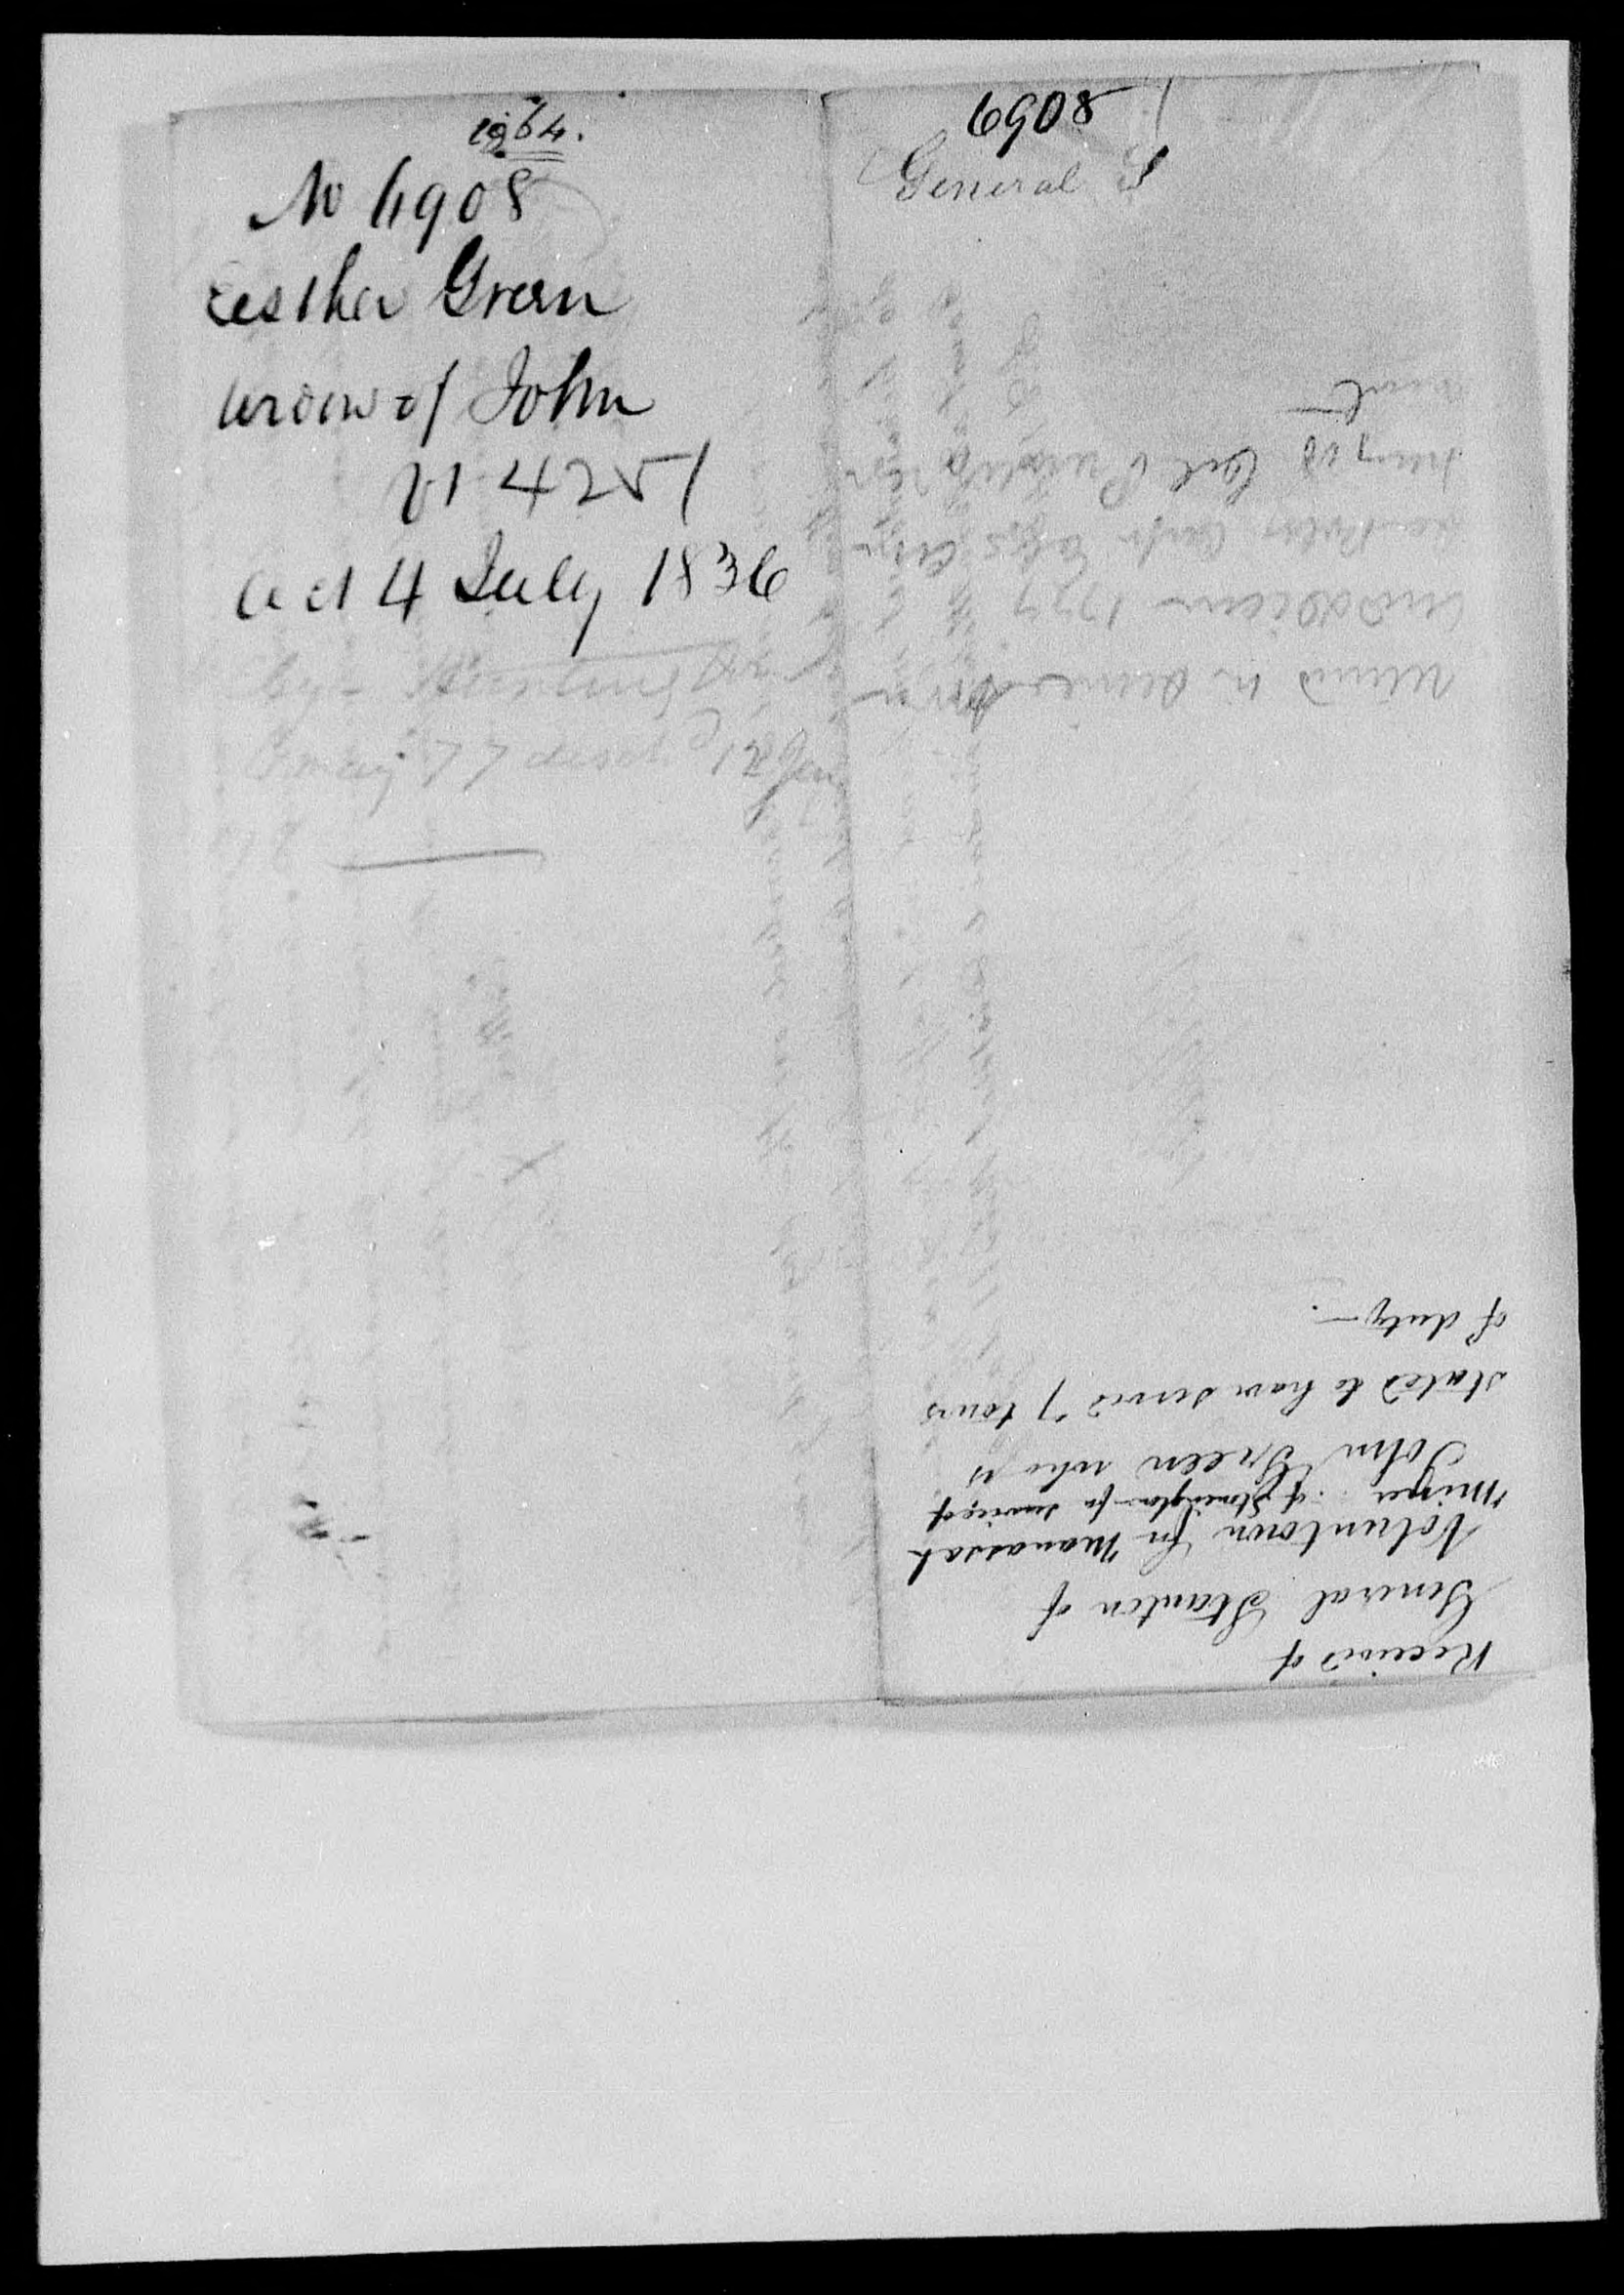1864                                   6908
No 6908                          General T
Esther Green
Widow of John
01 4251
act 4 July 1836 


Receipt of
General Stanton of
Voluntown for [unintelligible]
[unintelligible] of Stonington for service of
John Green who is
stated to have served 7 tours
of duty.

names: John Green, John Green, Stanton, Esther Green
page: 2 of 40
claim: rejected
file: R. 4251, John Green, Conn.